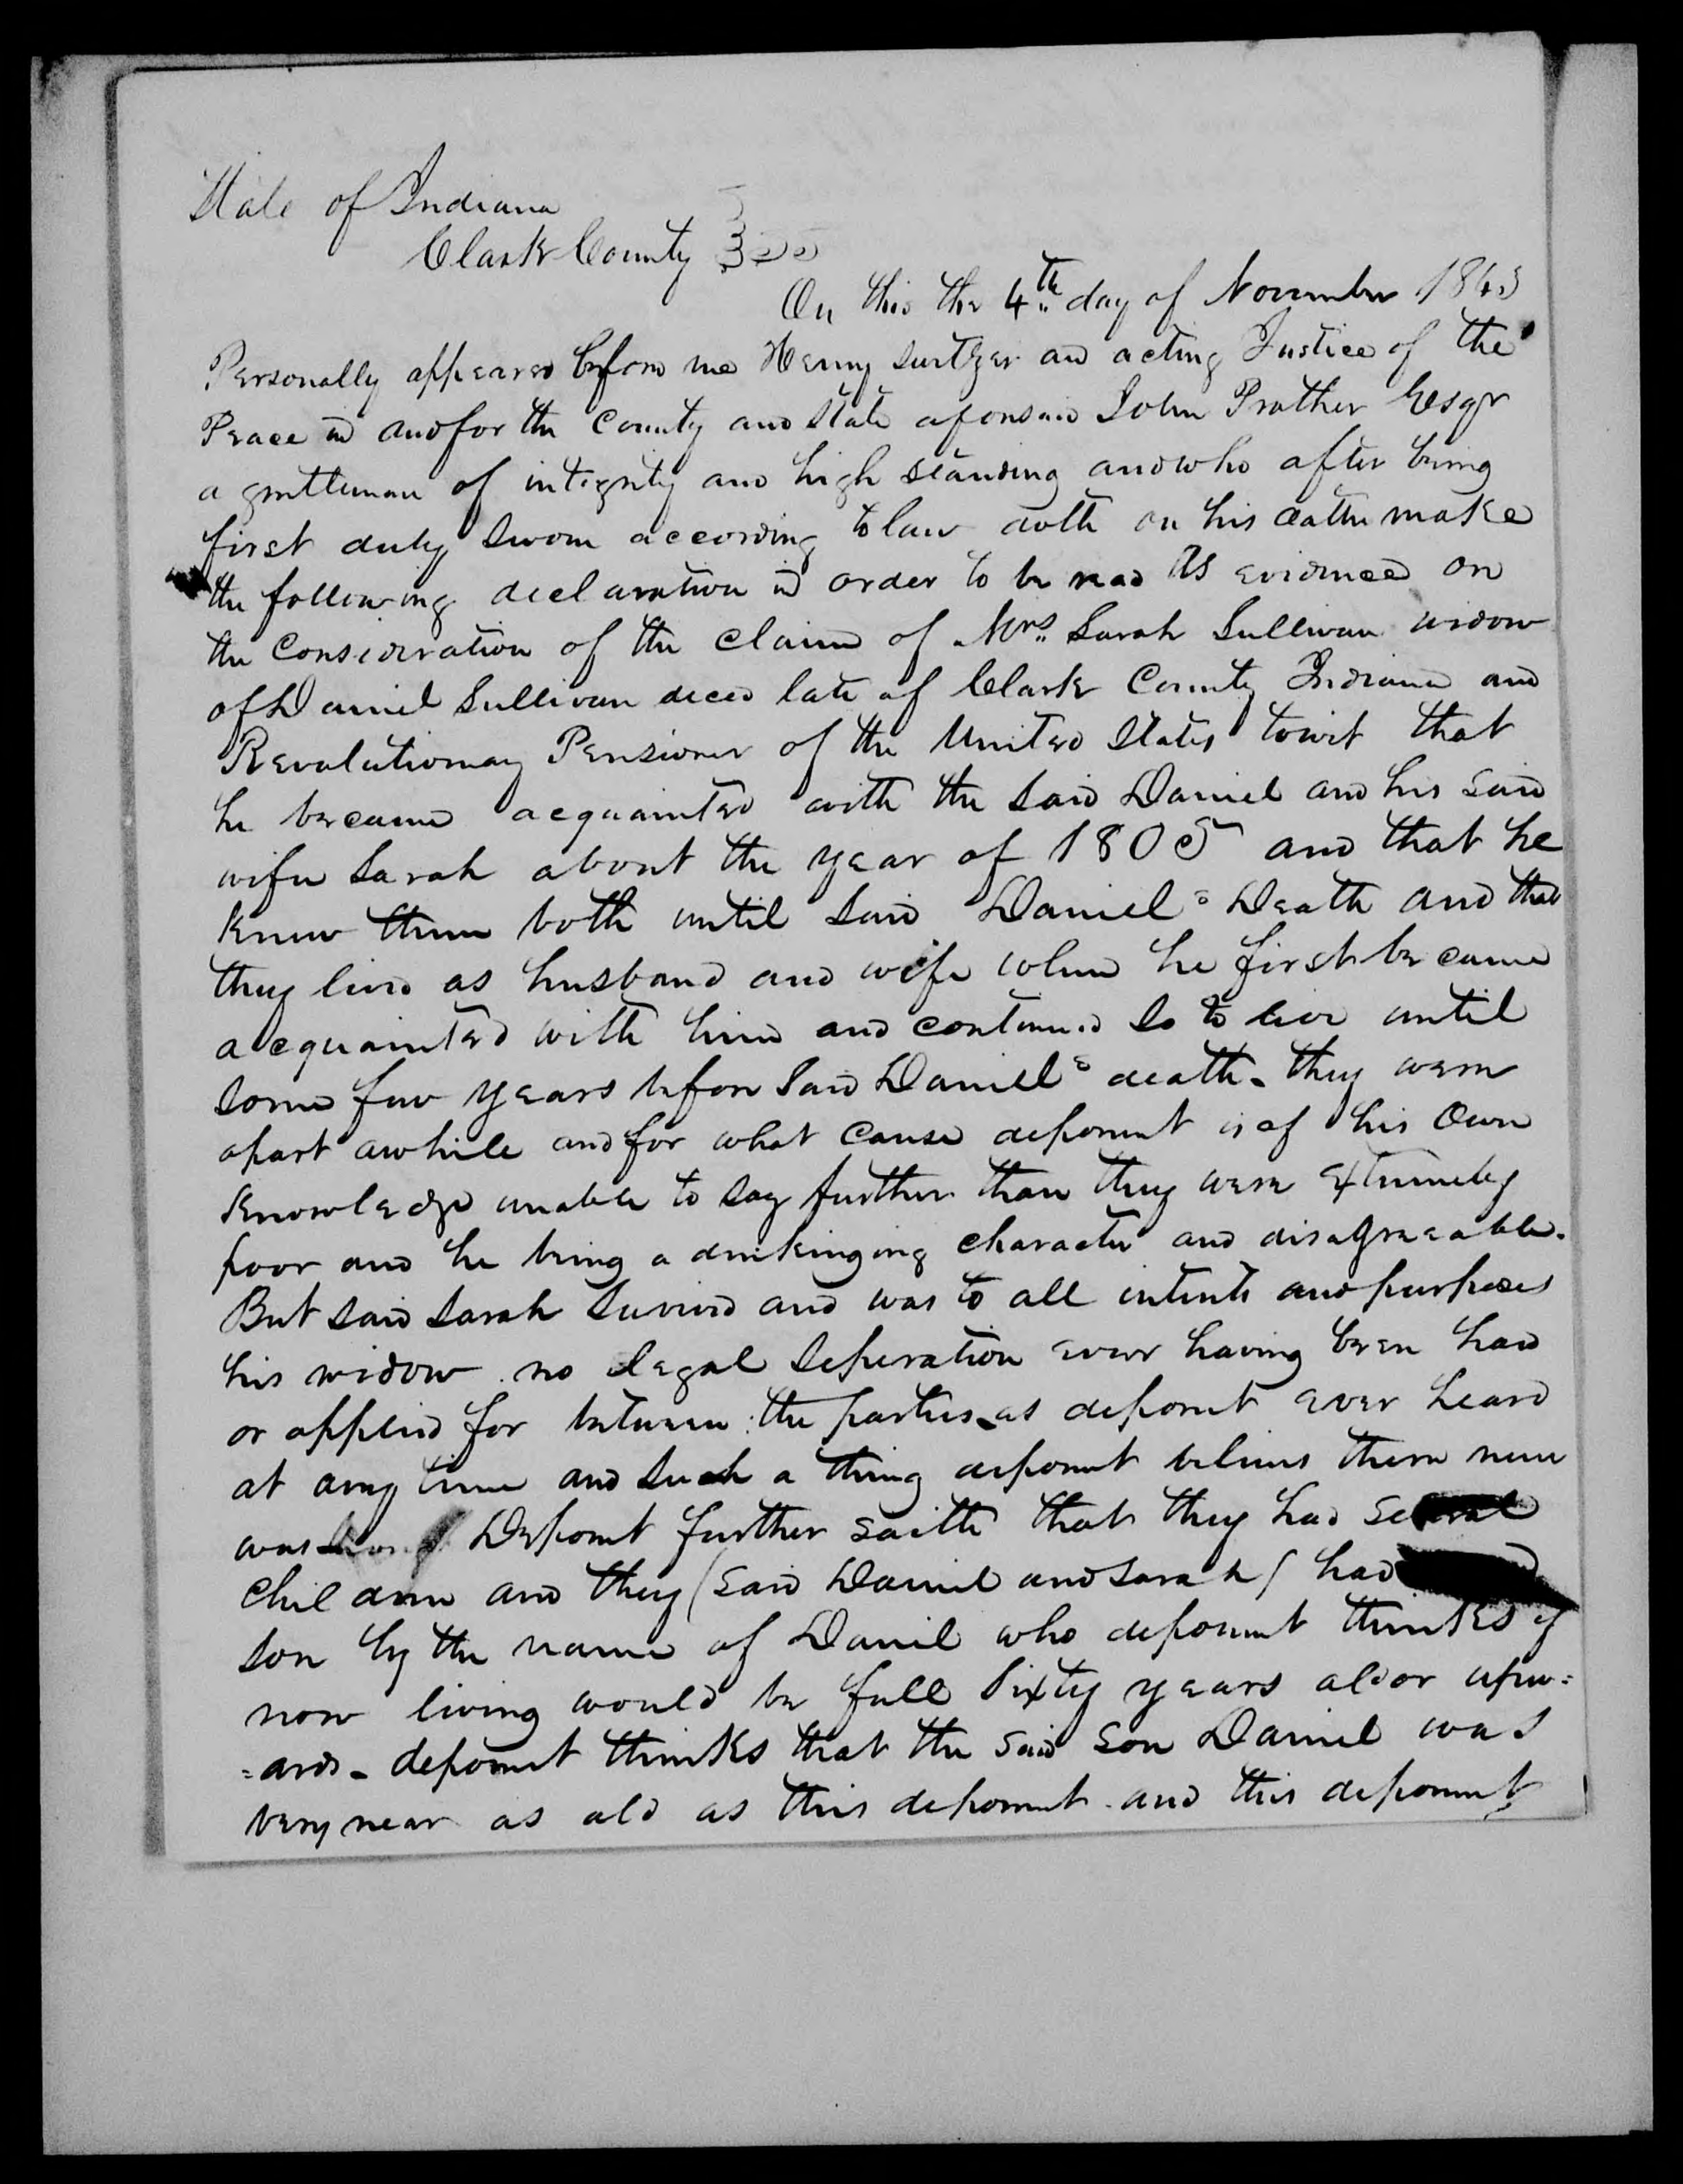State of Indiana Clark County } SS

On this the 4th day of November 1845 personally appeared before me Henry Surtzer an acting Justice of the Peace in and for the county and state aforesaid John Prather Esq a gentleman of integrity and high standing and who after being first duly sworn according to law doth on his oath make the following declaration in order to be read as evidence on the consideration of the claim of Mrs. Sarah Sullivan widow of Daniel Sullivan dec'd late of Clark County Indiana and Revolutionary Pensioners of the United States towit that he became acquainted with the said Daniel and his said wife Sarah about the year 1805 and that he knew them both until said Daniel's death and that they lived as husband and wife when he first became acquainted with them and continued as such until some few years before said Daniel's death they were apart awhile and for what cause deponent is of his own knowledge unable to say further than they were extremely poor and he being a drunken character and disagreeable. But said Sarah survived and was to all intents and purposed his widow no legal separation ever having been had or applied for between the parties as deponent ever heard at any time and such a thing deponent believes them never was [divorced]. Deponent further saith that they had several children, and the said Daniel and Sarah had a son by the name of Daniel who deponent thinks of now living would be fully sixty years old or upwards deponent thinks that the said son Daniel was very near as old as this deponent and this deponent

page: 72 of 78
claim: widow's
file: W. 25,169, for Daniel Sullivan, Maryland